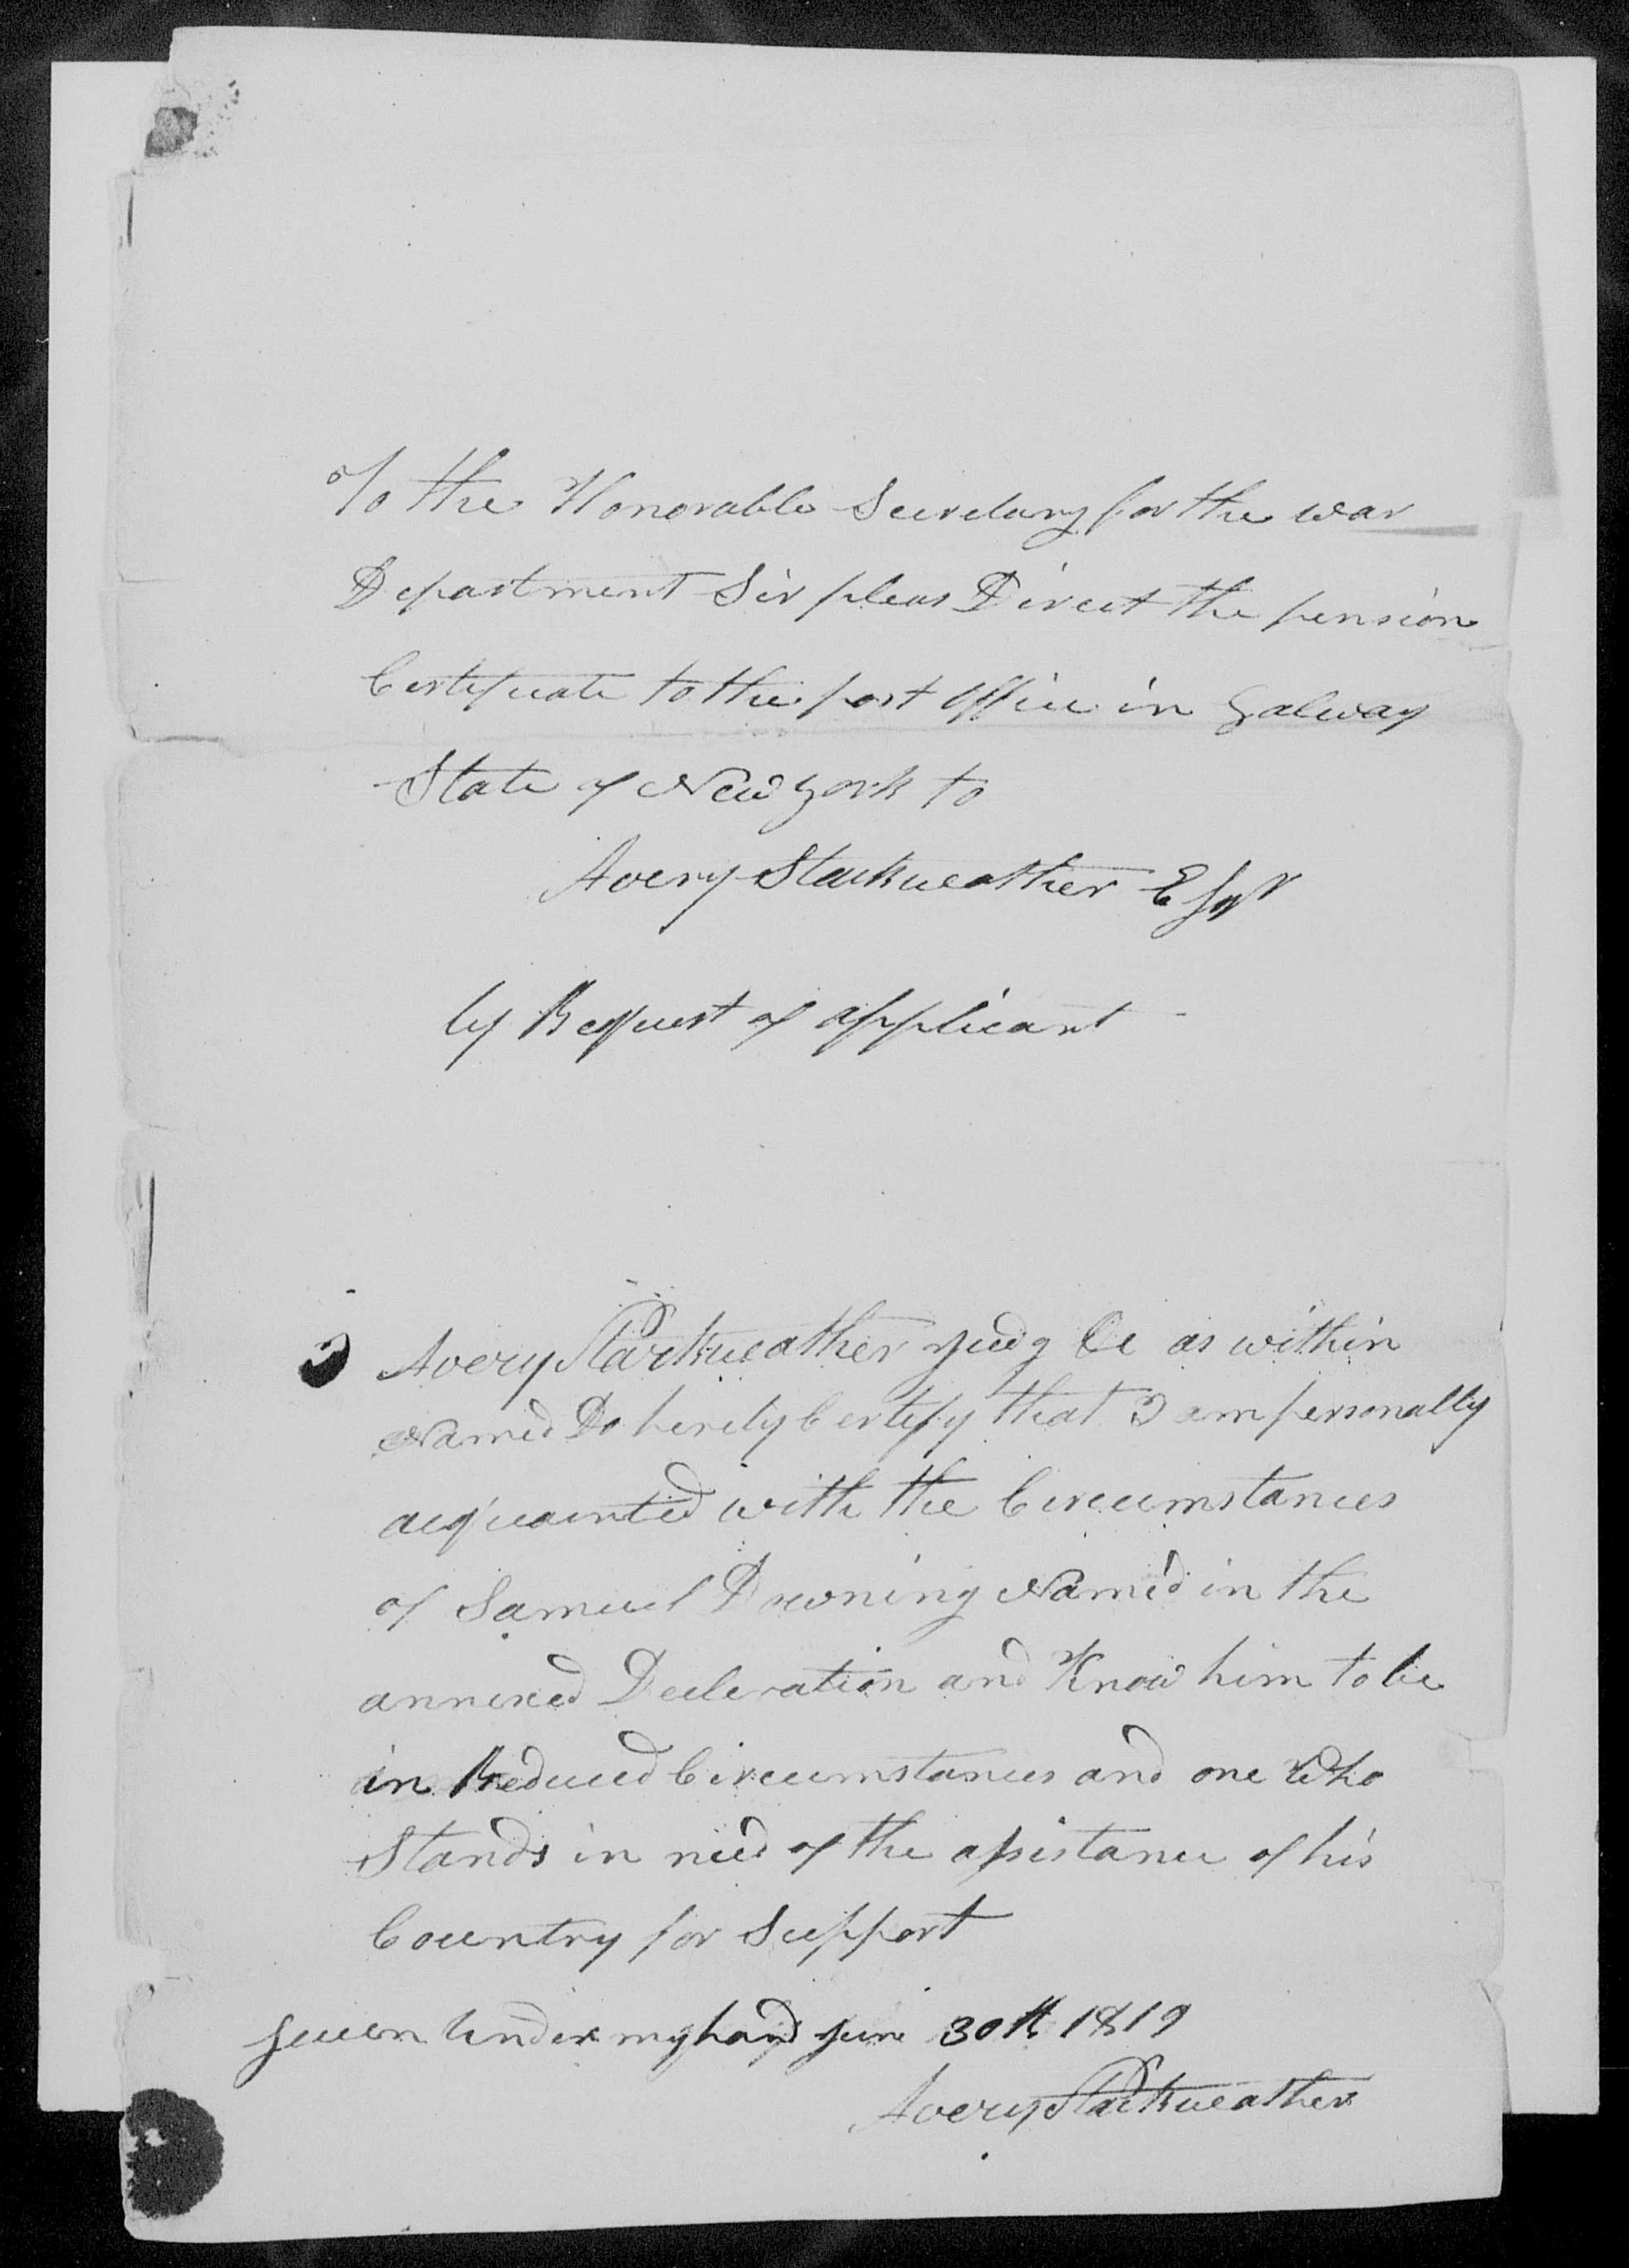To the Honorable Secretary for the war
Department Sir pleas Direct the pension
Certificate to the post Office in Galway
State of New York to
Avery Starkweather Esqr
by Bequest of applicant
-
Avery Starkweather Judge as within
named Do hereby certify that I am personally
acquainted with the circumstances
of Samuel Downing Named in the
annexed Declaration and know him to be
in reduced circumstances and one who
stands in need of the assistance of his
Country for support
Given under my hand June 30th 1819
Avery Starkweather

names: Avery Stockweather, Avery Stockweather, Avery Stockweather, Samuel Downing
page: 54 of 56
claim: survivor's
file: S. 40,055, Samuel Downing, N.H.